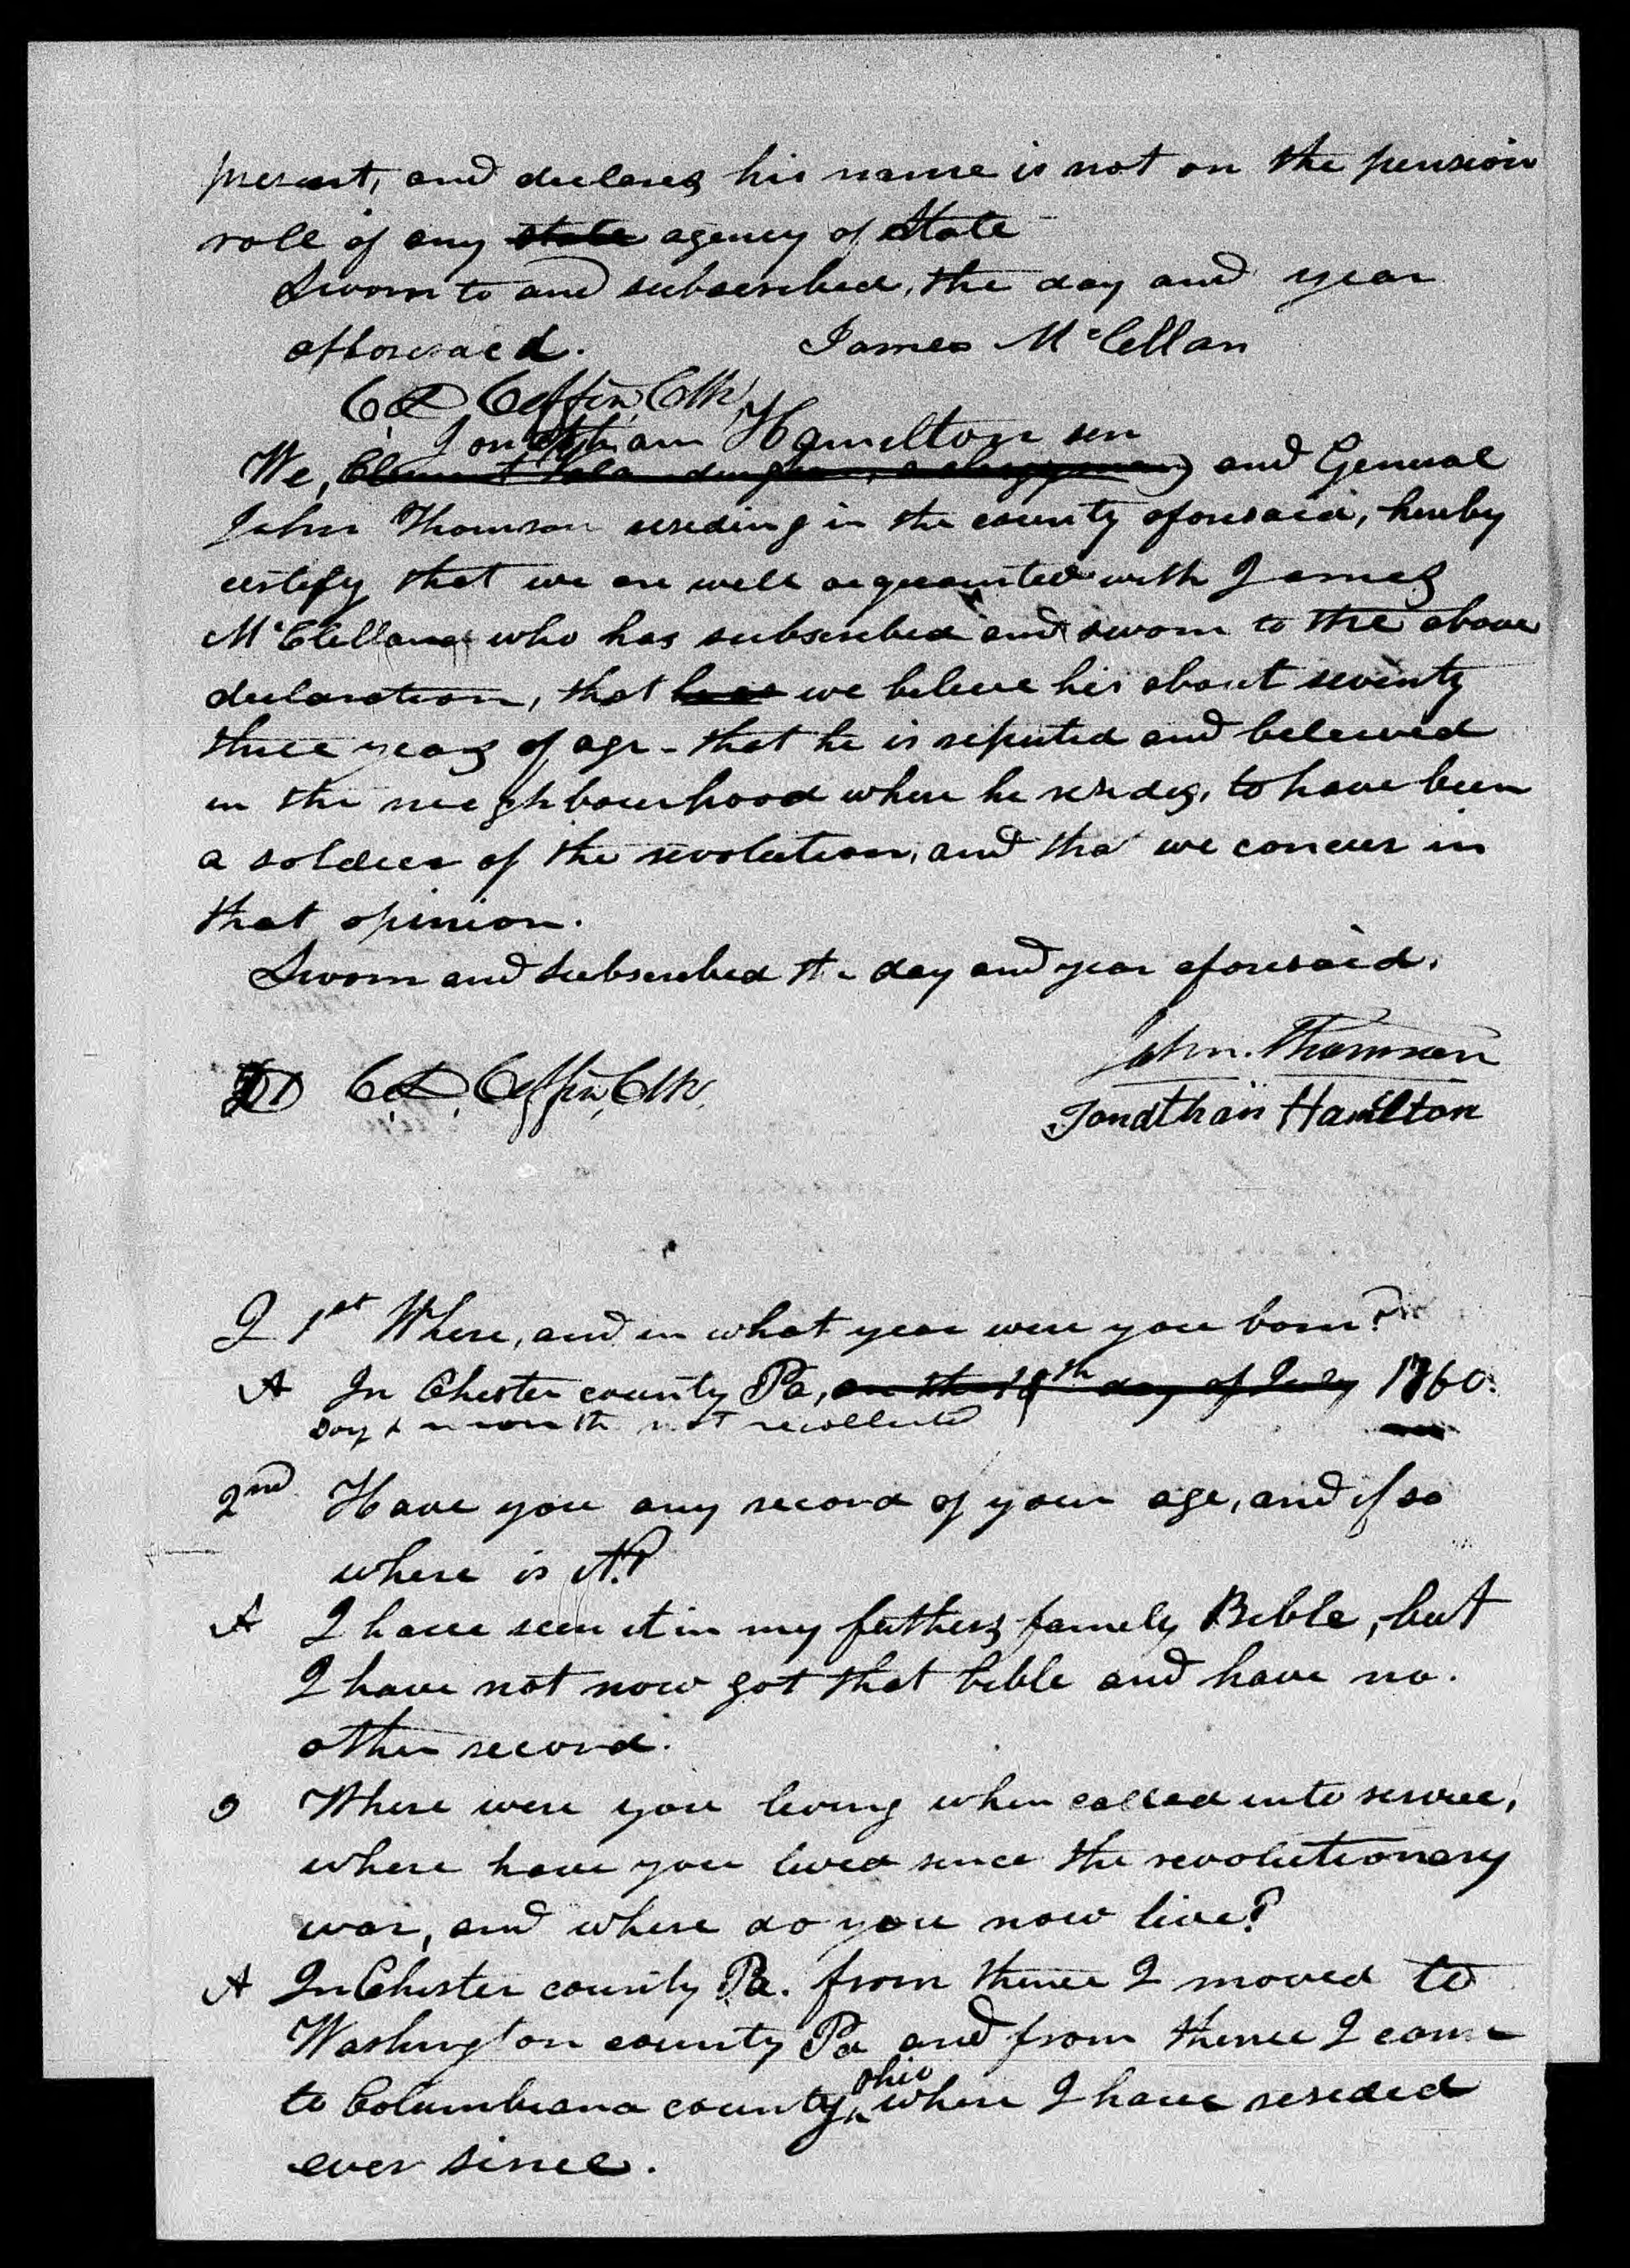present, and declare his name is not on the pension roll of any agency of state.

Sworn to and subscribed the day and year aforesaid, 

James McClellan


C Coffin, Clerk

We Jonathan Hamilton and General John Thomson residing in the county aforesaid, hereby certify that we are well acquainted with James McClellan who has subscribed and sworn to the above declaration, that we belive he's about seventy three years of age. that he is reputed and believed in the neighbourhood where he resides, to have been a soldier of the revolution, and that we concur in that opinion.

John Thomson
Jonathan Hamilton

Sworn and subscribed the day and year aforesaid
C. Coffin Clk

1st: Where and in what year were you born?   A: in Chester County  PA, 1860, day and month not recollected

2nd: Have you any record of your age and if so where is it?   A:  I have seen it in my father's family Bible but I have not now got that Bible and have no other record

3:  Where were you living when called into service, where have you lived since the revolutionary war, and where do you now live?    A: in Chester County Pa and from thence I moved to Washington County Pa and from thence I came to Columbiana County where I have resided ever since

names: Jonathan Hamilton; C D Coffin; John Thomson; James Mc Lellan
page: 4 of 16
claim: survivor's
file: S. 2764, for James Mc Clellan, Pennsylvania